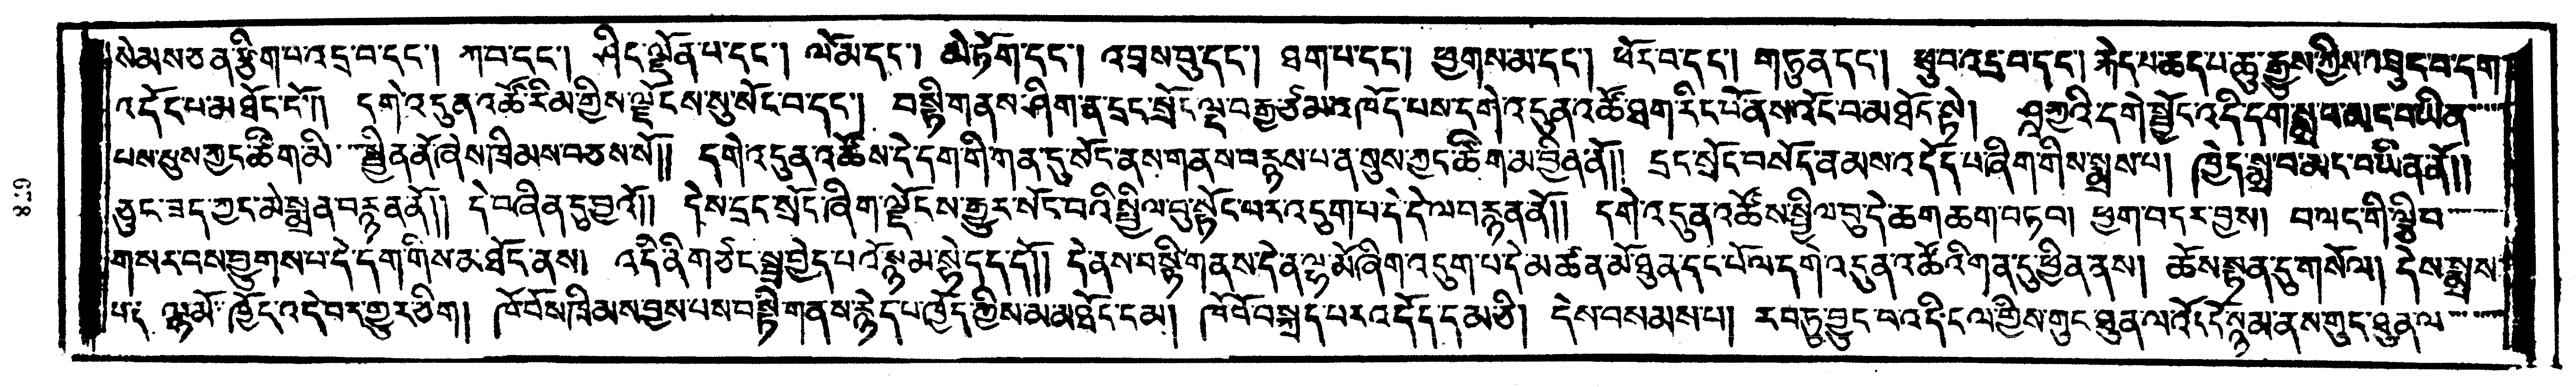སེམས་ཅན་རྩིག་པ་འདྲ་བ་དང་། ཀ་བ་དང་། ཤིང་ལྗོན་པ་དང་། ལོ་མ་དང་། མེ་ཏོག་དང་། འབྲས་བུ་དང་། ཐག་པ་དང་། ཕྱགས་མ་དང་། ཕོར་བ་དང་། གཏུན་དང་། ཕྲུ་བ་འདྲ་བ་དང་། རྐེད་པ་ཆད་པ་ཆུ་རྒྱུས་ཀྱིས་འཐུང་བ་དག་
འདོང་པ་མཐོང་ངོ།། དགེ་འདུན་འཚོ་རིམ་གྱིས་ལྗོངས་སུ་སོང་བ་དང་། བསྟི་གནས་ཤིག་ན་དྲང་སྲོང་ལྔ་བརྒྱ་ཙམ་འཁོད་པས་དགེ་འདུན་འཚོ་ཐག་རིང་པོ་ནས་འོང་བ་མཐོང་སྟེ། ཤཱཀྱའི་དགེ་སྦྱོང་འདི་དག་སྨྲ་བ་མང་བ་ཡིན་
པས་སུས་ཀྱང་ཚིག་མི་སྦྱིན་ནོ་ཞེས་ཁྲིམས་བཅས་སོ།། དགེ་འདུན་འཚོས་དེ་དག་གི་གན་དུ་སོང་ནས་གནས་བརྙས་པ་ན་སུས་ཀྱང་ཚིག་མ་བྱིན་ནོ།། དྲང་སྲོང་བསོད་ནམས་འདོད་པ་ཞིག་གིས་སྨྲས་པ། ཁྱེད་སྨྲ་བ་མང་བ་ཡིན་ནོ།།
ཅུང་ཟད་ཀྱང་མེ་སྨྲན་བརྙན་ནོ།། དེ་བཞིན་དུ་བྱའོ།། དེས་དྲང་སྲོང་ཞིག་ལྗོངས་རྒྱུར་སོང་བའི་སྤྱིལ་བུ་སྟོང་པར་འདུག་པ་དེ་དེ་ལ་བརྙན་ནོ།། དགེ་འདུན་འཚོས་སྤྱིལ་བུ་དེ་ཆག་ཆག་བཏབ། ཕྱག་བདར་བྱས། བ་ལང་གི་ལྕིབ་
གསར་བས་བྱུགས་པ་དེ་དག་གིས་མཐོང་ནས། འདི་ནི་གཙང་སྦྲ་བྱེད་པའོ་སྙམ་སྟེ་དད་དོ།། དེ་ནས་བསྟི་གནས་དེ་ན་ལྷ་མོ་ཞིག་འདུག་པ་དེ་མཚན་མོ་ཐུན་དང་པོ་ལ་དགེ་འདུན་འཚོའི་གན་དུ་ཕྱིན་ནས། ཆོས་སྟན་དུ་གསོལ། དེས་སྨྲས་
པ༑ ལྷ་མོ༑ ཁྱོད་འདེ་བར་གྱུར་ཅིག། ཁོ་བོས་ཁྲིམས་བྱས་པས་བསྟི་གནས་རྙེད་པ་ཁྱོད་ཀྱིས་མ་མཐོང་ངམ། ཁོ་བོ་བསྐྲད་པར་འདོད་དམ་ཅི། དེས་བསམས་པ། རབ་ཏུ་བྱུང་བ་འདི་ངལ་གྱིས་གུང་ཐུན་ལ་འོང་ངོ་སྙམ་ནས་གུང་ཐུན་ལ་